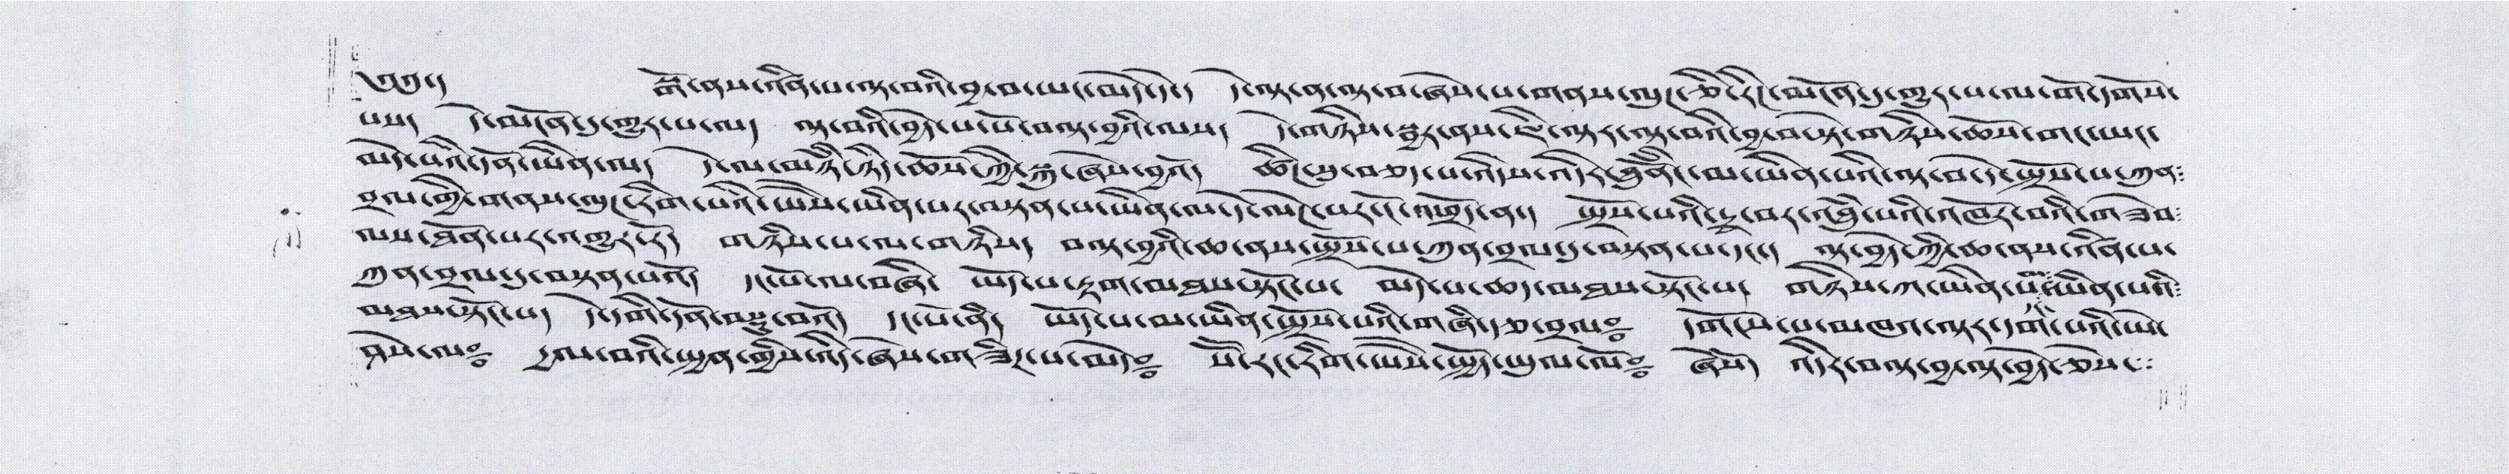སྒོ་ནས་འཛིན་པ་ལྟ་བའི་བྱ་བ་ཡང་མེད་དེ། དེ་ལྟ་ན་ལྟ་བ་ཞེས་པ་གནས་ལུགས་ཅི་རིགས་མངོན་དུ་གྱུར་པ་ལ་གོ་དགོས་
པས། དེ་མངོན་དུ་གྱུར་པ་ལ་ལྟ་བའི་བྱེད་པ་པོ། ལྟ་བྱའི་ལས། དེ་གཉིས་སྦྱར་ནས་ཇི་ལྟར་ལྟ་བའི་བྱ་བ་སྟེ་གཉིས་ཆོས་གང་ཡང་
མེད་པའི་དོན་ཡིན་ལ། དེ་ལ་མཉམ་ཉིད་ཆོས་ཀྱི་སྐུ་ཞེས་བྱའོ། ཚིགས་སུ་བཅད་པ་འདིས་འདིར་ཐུན་མོང་མ་ཡིན་པའི་ལྟ་བ་དེ་སྤྲོས་པ་ཀུན་
བྲལ་གྱི་གནས་ལུགས་རིག་པའི་ཡེ་ཤེས་ཡིན་པར་བསྟན་པ་ཡིན་ལ། དེ་ལེགས་པར་ངོ་འཕྲོད་ན་སྤྲོས་པའི་དྲྭ་བར་འཐུམས་པའི་འཁོར་བའི་གཟེབ་
ལས་ཐོན་པར་འགྱུར་རོ། གཉིས་པ་ལ་གཉིས། བལྟ་བྱའི་ཆ་ནས་སྤྲོས་པ་ཀུན་བྲལ་དུ་བསྟན་པ་དང་། ལྟ་བྱེད་ཀྱི་ཆ་ནས་འཛིན་པ་
ཀུན་བྲལ་དུ་བསྟན་པའོ། དང་པོ་ལ་བཞི། ཡོད་པ་རྟག་མཐས་སྟོང་པ། མེད་པ་ཆད་མཐས་སྟོང་པ། གཉིས་ཀ་ཡིན་པ་དང་མ་ཡིན་པའི་
མཐས་སྟོང་པ། དེ་དག་གི་དོན་བསྡུ་བའོ། །དང་པོ་ནི། ཡོད་པ་མ་ཡིན་སྤྲོས་པའི་གཞི་རྩ་བྲལཿ དགོངས་པ་མཁའ་ལྟར་དག་པའི་ཡེ་
ཤེས་ལཿ རྒྱལ་བའི་སྤྱན་གྱིས་འདི་ཞེས་གཟིགས་པ་མེདཿ སོ་སོ་རང་རིག་ཡེ་ཤེས་སྤྱོད་ཡུལ་ལོཿ ཞེས་སོ། འདིར་བལྟ་བྱ་ལྟ་བྱེད་ཅེས་